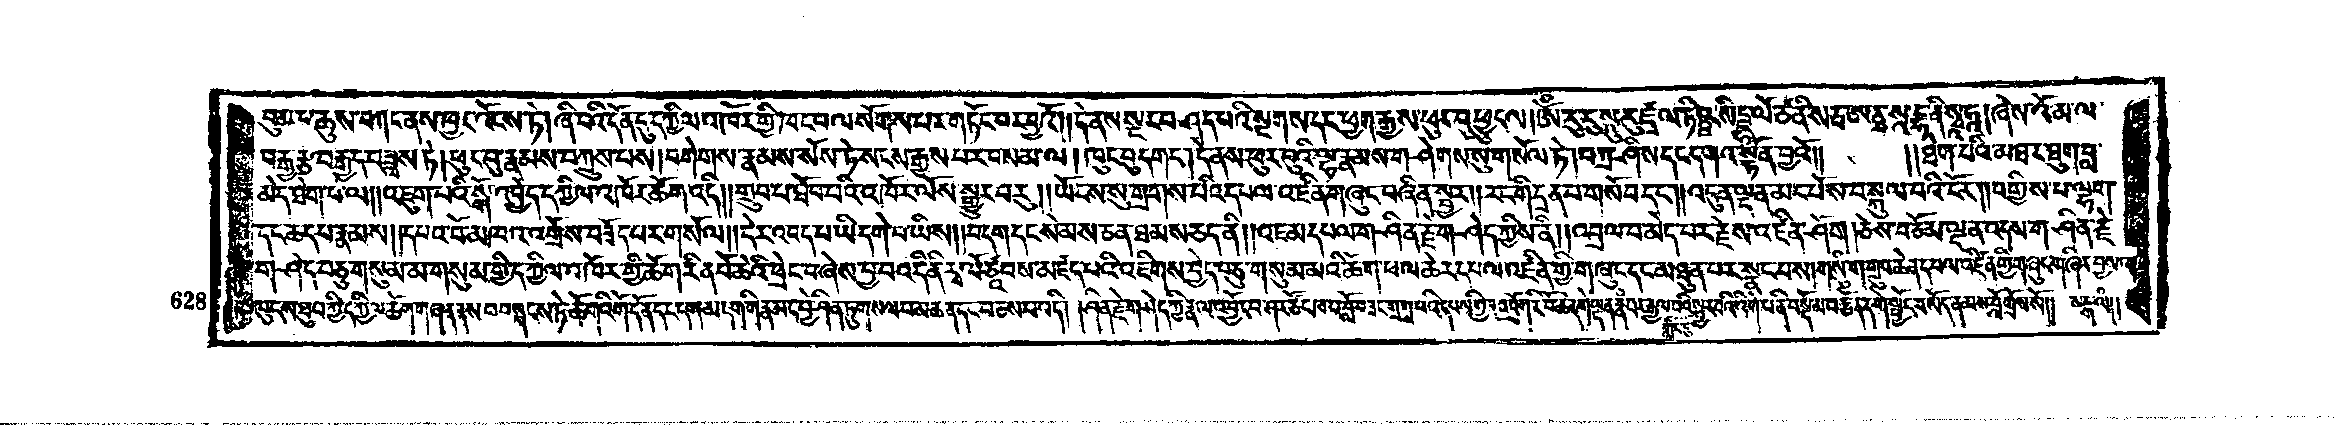བུམ་པ་ཆུས་བཀང་ནས་ཁྱེར་འོངས་ཏེ། ཞི་བའི་དོན་དུ་དཀྱིལ་འཁོར་གྱི་ཁང་པ་ལ་སོགས་པར་གཏོར་བར་བྱའོ། །དེ་ནས་སྔར་བཤད་པའི་སྔགས་དང་ཕྱག་རྒྱས་ཕུར་བུ་ཕྱུང་ལ། ཨོཾ་རུ་རུ་སྥུ་རུ་ཛྭ་ལ་ཏིཥཊཿཨ་སིདྡྷ་ལོ་ཙ་ནི་སརྦ་ཨརྠ་སཱ་དྷ་ནི་སྭཱཧཱ། ཞེས་འོ་མ་ལ་
བརྒྱ་རྩ་བརྒྱད་བཟླས་ཏེ། ཕུར་བུ་རྣམས་བཀྲུས་པས། བགེགས་རྣམས་སོས་ཏེ་སངས་རྒྱས་པར་བསམ་ལ། ཁུང་བུ་དགང་། དེ་ནས་ཕུར་བུའི་ལྷ་རྣམས་གཤེགས་སུ་གསོལ་ཏེ། བཀྲ་ཤིས་དང་དགའ་སྟོན་བྱའོ།། །།ཐེག་པའི་མཐར་ཐུག་བླ་
མེད་ཐེག་པ་ལ། །འཇུག་པའི་སྒོ་འབྱེད་དཀྱིལ་འཁོར་ཆོ་ག་འདི། །གྲུབ་པ་ཐོབ་པའི་འཁོར་ལོས་སྒྱུར་བ་རུ། །ཡོངས་སུ་གྲགས་པའི་དཔལ་འཛིན་གཞུང་བཞིན་སྦྱར། །རང་གི་དྲན་པ་གསོ་བ་དང་། །འདུན་ལྡན་མང་པོས་བསྐུལ་བའི་ངོར། །བགྱིས་པ་ལྷག་
དང་ཆད་པ་རྣམས། །དཔའ་བོ་མཁའ་འགྲོས་བཟོད་པར་གསོལ། །དེར་འབད་པ་ཡི་དགེ་བ་ཡིས། །བདག་དང་སེམས་ཅན་ཐམས་ཅད་ནི། །འཇམ་དཔལ་གཤིན་རྗེ་གཤེད་ཀྱིས་ནི། །འབྲལ་བ་མེད་པར་རྗེས་འཛིན་ཤོག །ཅེས་བཅོམ་ལྡན་འདས་གཤིན་རྗེ་
གཤེད་བཅུ་གསུམ་མ་གསུམ་གྱི་དཀྱིལ་འཁོར་གྱི་ཆོ་ག་རིན་པོ་ཆེའི་ཕྲེང་བ་ཞེས་བྱ་བ་འདི་ནི་རྭ་ལོ་ཙཱ་བས་མཛད་པའི་འཇིགས་བྱེད་བཅུ་གསུམ་མའི་ཆོ་ག་ཕལ་ཆེར་དཔལ་འཛིན་གྱི་གཞུང་དང་མཐུན་པར་སྣང་བས། གསུམ་ག་གྲུབ་ཆེན་དཔལ་འཛིན་གྱི་གཞུང་གཞིར་བྱས་ལ།
ཁུངས་ཐུབ་ཀྱི་དཀྱིལ་ཆོག་གཞན་ནས་ཁ་བསྐངས་ཏེ། ཆོ་གའི་གོ་དོན་དང་དག་མ་དག་གི་རྣམ་དབྱེ་ཤིན་ཏུ་གསལ་བ་མཚན་དང་བཅས་པ་འདི། གཤིན་རྗེ་གཤེད་ཀྱི་རྣལ་འབྱོར་བ་ཤར་ཙོང་ཁ་པ་བློ་བཟང་གྲགས་པའི་དཔལ་གྱིས་འབྲོག་རི་བོ་ཆེ་དགེ་ལྡན་རྣཾ་པར་རྒྱལ་བའི་གླིང་དུ་སྦྱར་བའི་ཡི་གེ་པ་ནི་བསྡོམ་བརྩོན་དགེ་སྦྱོང་བསོད་ནམས་བློ་གྲོས་སོ། །མངྒ་ལཾ། །